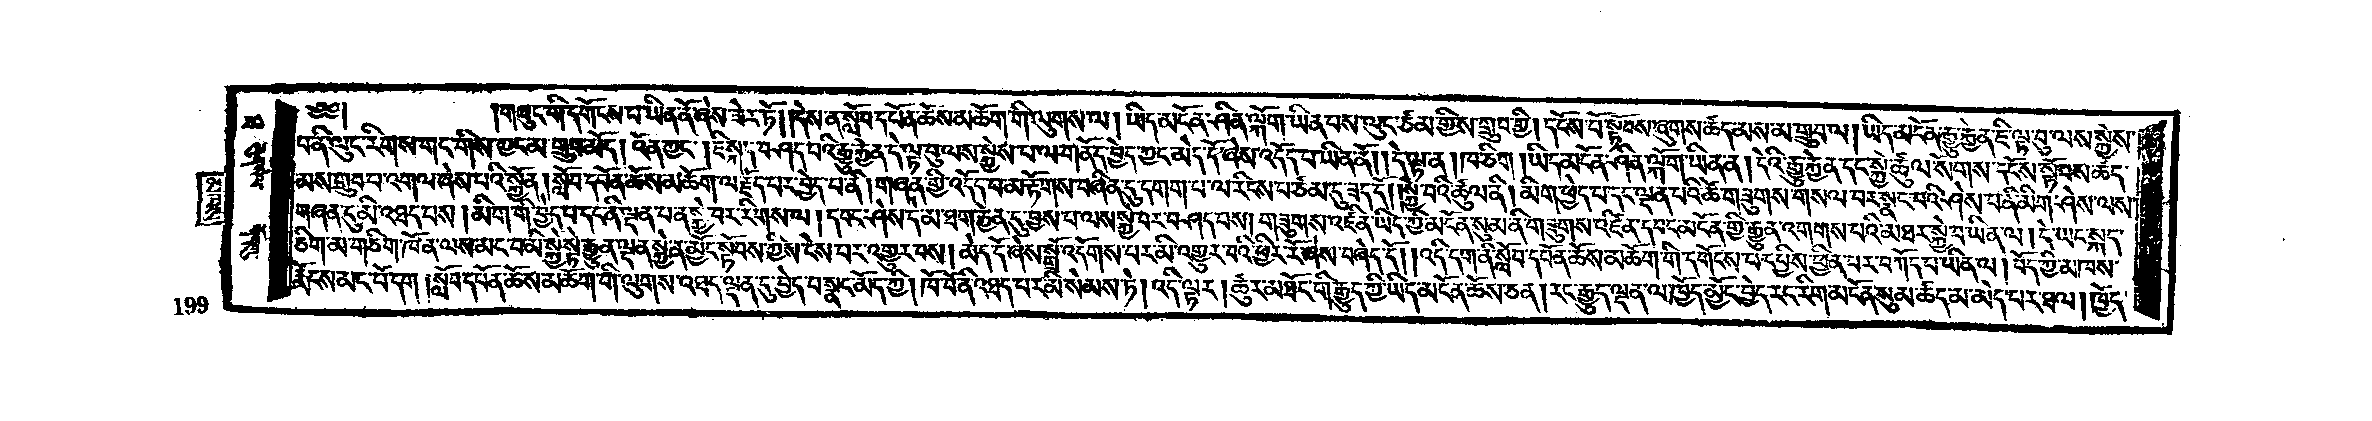༄༅། །གཞུང་གི་དགོངས་པ་ཡིན་ནོ་ཞེས་ཟེར་ཏོ། །དེས་ན་སློབ་དཔོན་ཆོས་མཆོག་གི་ལུགས་ལ། ཡིད་མངོན་ཤིན་ཏུ་ལྐོག་ཡིན་པས་ལུང་ཙམ་གྱིས་གྲུབ་གྱི། དངོས་པོ་སྟོབས་ཞུགས་ཚད་མས་མ་གྲུབ་ལ། ཡིད་མངོན་རྒྱུ་རྐྱེན་ཇི་ལྟ་བུ་ལས་སྐྱེས་
པ་ནི་ལུང་རིགས་གང་གིས་ཀྱང་མ་གྲུབ་མོད། འོན་ཀྱང་། ཇི་སྐད་བཤད་པའི་རྒྱུ་རྐྱེན་དེ་ལྟ་བུ་ལས་སྐྱེས་པ་ལ་གནོད་བྱེད་ཀྱང་མེད་དོ་ཞེས་འདོད་པ་ཡིན་ནོ། །དེ་ལྟ་ན་།ཁ་ཅིག །ཡིད་མངོན་ཤིན་ལྐོག་ཡིན་ན། དེའི་རྒྱུ་རྐྱེན་དང་སྐྱེ་ཚུལ་སོགས་དངོས་སྟོབས་ཚད་
མས་གྲུབ་པ་འགལ་ཞེས་པའི་སྐྱོན། སློབ་དཔོན་ཆོས་མཆོག་ལ་རྗོད་པར་བྱེད་པ་ནི། གཞན་གྱི་འདོད་པ་མ་རྟོགས་བཞིན་དུ་དགག་པ་ལ་རིངས་པ་ཙམ་དུ་ཟད་དོ། །སྐྱེ་བའི་ཚུལ་ནི། མིག་ཕྱེད་པ་དང་ལྡན་པའི་ཚེ་གཟུགས་གསལ་བར་སྣང་བའི་ཤེས་པ་ནི་མིག་ཤེས་ལས་
གཞན་དུ་མི་འཐད་པས། མིག་གི་བྱེད་པ་དང་ནི་ལྡན་པ་ན་སྐྱེ་བར་རིགས་ལ། དབང་ཤེས་དེ་མ་ཐག་རྐྱེན་དུ་བྱས་པ་ལས་སྐྱེ་བར་བཤད་པས། གཟུགས་འཛིན་ཡིད་ཀྱི་མངོན་སུམ་ནི་གཟུགས་འཛིན་དབང་མངོན་གྱི་རྒྱུན་འགགས་པའི་མཐར་སྐྱེ་བ་ཡིན་ལ། དེ་ཡང་སྐད་
ཅི་མ་གཅིག་ཁོ་ན་ལས་མང་བ་མི་སྐྱེ་སྟེ། ལྡན་སྐྱེ་ན་མྱོང་སྟོབས་ཀྱིས་ངེས་པར་འགྱུར་བས། མེད་དོ་ཞེས་སྒོ་འདོགས་པར་མི་འགྱུར་བའི་ཕྱིར་རོ་ཞེས་བཞེད་དོ། །འདི་དག་ནི་སློབ་དཔོན་ཆོས་མཆོག་གི་དགོངས་པ་དཔྱིས་ཕྱིན་པར་བཀོད་པ་ཡིན་ལ། བོད་ཀྱི་མཁས་
རྨོངས་མང་པོ་དག །སློབ་དཔོན་ཆོས་མཆོག་གྱི་ལུགས་འཐད་ལྡན་དུ་བྱེད་པ་སྣང་མོད་ཀྱི། ཁོ་བོ་ནི་འཐད་པར་མི་སེམས་ཏེ། འདི་ལྟར། ཚུར་མཐོང་གྱི་རྒྱུད་ཀྱི་ཡིད་མངོན་ཆོས་ཅན། རང་རྒྱུད་ལྡན་ལ་ཁྱོད་མྱོང་བྱེད་རང་རིག་མངོན་སུམ་ཚད་མ་མེད་པར་ཐལ། ཁྱོད་